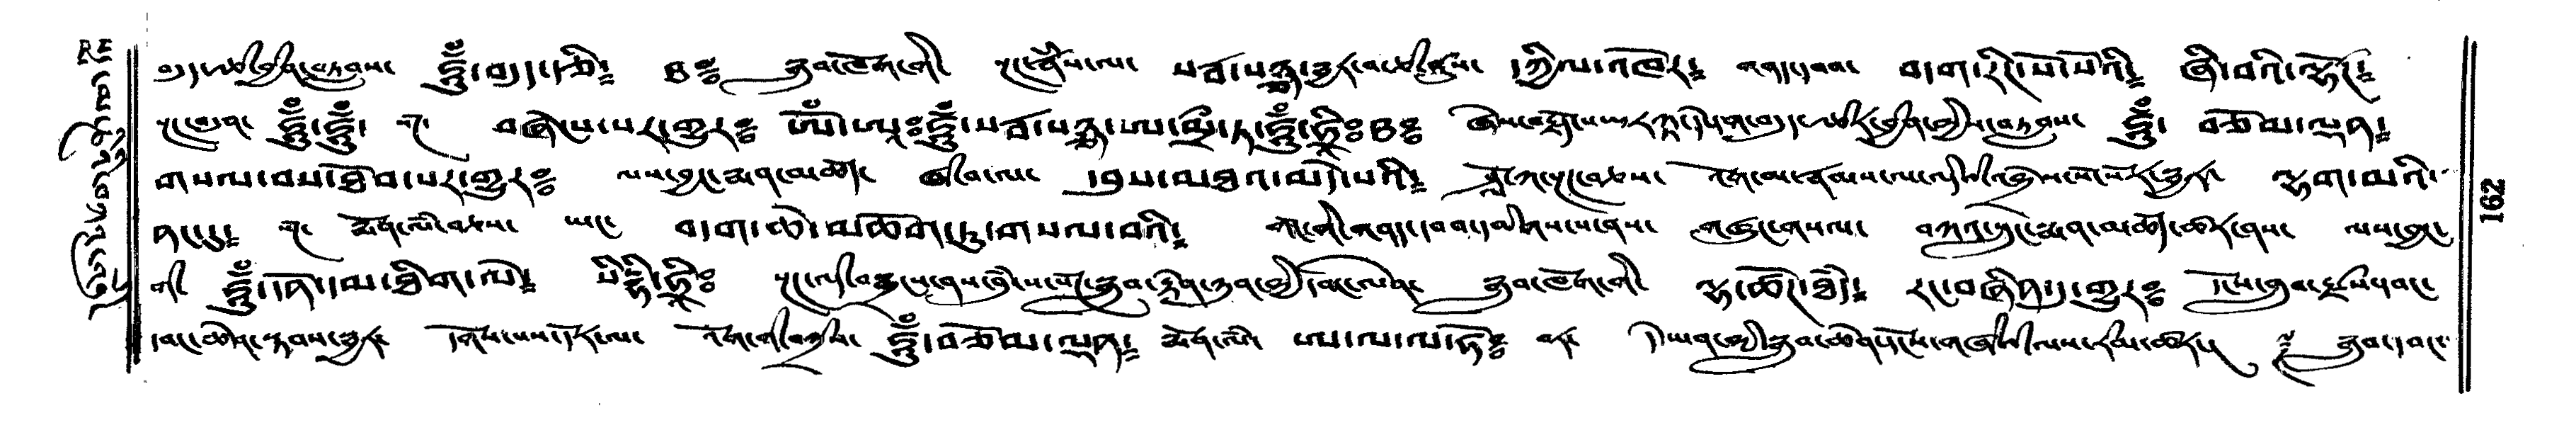བདུད་རྩི་བྱིན་བརླབ། ཧཱུྃཿ བདུད་རྩི༴ ཧྲཱིཿཋ༔ སྒྲུབ་ཁོག་གི་སྔགས་རྣམས་ལ། སརྦ་པཉྩ༴ སྦྱར་བ་ཅི་ནུས། དཀྱིལ་འཁོར༴ གནད་དབབ། བདག་རིགས་སོ་སོའི༴ ཞི་བའི་ལྷ་ཚོགས༴ 
སྔགས་བདུན། ཧཱུྃ་ཧཱུྃ༔ སོགས། བཞེངས་པར་གྱུར༔ ཨོཾ་ཨཱཿཧཱུྃ་སརྦ་པཉྩ་ཨ་མྲྀ་ཏ་ཧཱུྃ་ཧྲཱིཿཋ༔ ཞེས་བརྗོད་པས་རཀྟ་དེ་དག་བདུད་རྩིར་བྱིན་གྱིས་བརླབས། ཧཱུྃ༔ བཅོམ་ལྡན༴ 
གསལ་བས་ཐོབ་པར་གྱུར༔ལས་བྱང་སྨན་མཆོད། ཞི་བ་ལ། དབུས་མཐའ་མེད་པའི༴ ཤོ་ལོ་ཀ་སྔགས་བཅས། འོག་མ་རྣམས་ལ་འདིའི་འགྲེས་སོ་སོར་སྦྱར། ལྷག་མའི་
ནང་དུ༴ སོགས། སྨོན་ལམ་བཅས། ཡང་། བདག་ཆེ་མཆོག་ཏུ་གསལ་བའི༴ གོང་གི་གནད་དབབ་དམིགས་པ་ནས་གཞུང་གསལ། བཀའ་སྲུང་སྨན་མཆོད་ཚར་ནས་ ལས་བྱང་
གི ཧཱུྃ༔དོན་དམ་ཐིག་ལེ༴ སིདྡྷི་ཧྲཱི༔ སྔགས་འདི་བགྲངས་ནས་བུམ་པ་སོགས་སྒྲུབ་རྟེན་ཀུན་གྱི་དབང་ལེན། སྒྲུབ་ཁོག་གི ལྷ་ཚོགས་ཐམས་ཅད༴ རང་བཞིན་དུ་གྱུར༔ དངོས་གྲུབ་རྫས་དབང་
དབང་ཆེན་སྐབས་སྦྱོར་ དགོས་པས་དོར་ལ། འོག་གི་བཀྲ་ཤིས། ཧཱུྃ༔ བཅོམ་ལྡན༴ སྨོན་ལམ། ཨ་ལ་ལ་ཧོ༔ བར། དེ་ཡན་གྱིས་སྒྲུབ་ཆེན་དངོས་གཞིའི་ལས་རིམ་ཚར། སྒྲུབ་དབང་